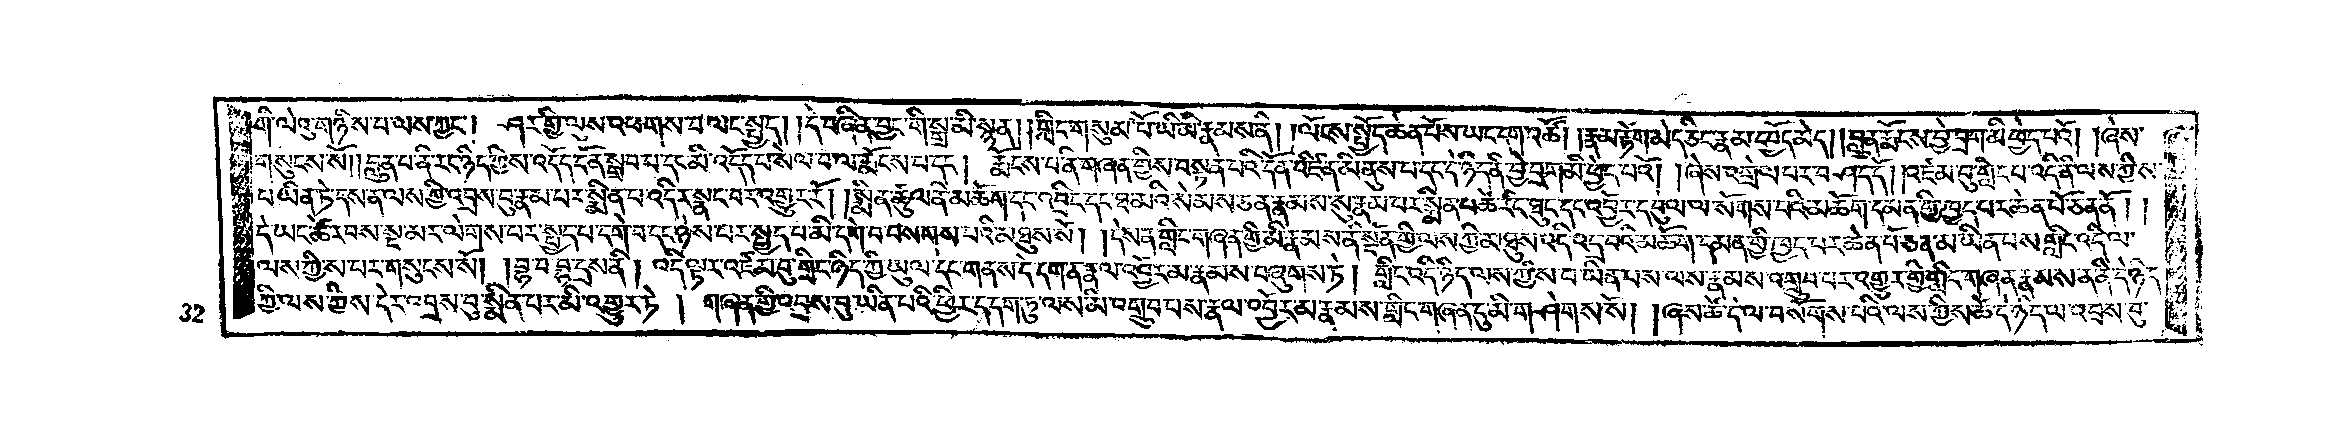གི་ལེའུ་གཉིས་པ་ལས་ཀྱང་། ཤར་གྱི་ལུས་འཕགས་བ་ལང་སྤྱད། །དེ་བཞིན་བྱང་གི་སྒྲ་མི་སྙན། །གླིང་གསུམ་པོ་ཡི་མི་རྣམས་ནི། །ལོངས་སྤྱོད་ཆེན་པོས་ཡང་དག་འཚོ། །རྣམ་རྟོག་མེད་ཅིང་རྣམ་དཔྱོད་མེད། །བླུན་རྨོངས་བྱེ་བྲག་མི་ཕྱེད་པའོ། །ཞེས་
གསུངས་སོ། །བླུན་པ་ནི་རང་ཉིད་ཀྱིས་འདོད་དོན་སྒྲུབ་པ་དང་མི་འདོད་པ་སེལ་བ་ལ་རྨོངས་པ་དང་། རྨོངས་པ་ནི་གཞན་གྱིས་བསྟན་པའི་དོན་འཛིན་མི་ནུས་པ་དང་དེ་ཉིད་ནི་བྱེ་བྲག་མི་ཕྱེད་པའོ། །ཞེས་འགྲེལ་པར་བཤད་དོ། །འཛམ་བུ་གླིང་པ་འདི་ནི་ལས་ཀྱིས་
པ་ཡིན་ཏེ་དེས་ན་ལས་ཀྱི་འབྲས་བུ་རྣམ་པར་སྨིན་པ་འདིར་སྣང་བར་འགྱུར་རོ། །སྨིན་ཚུལ་ནི་མཆོག་དང་འབྲིང་དང་ཐ་མའི་སེམས་ཅན་རྣམས་སུ་རྣམ་པར་སྨིན་པ་ཚེ་རིང་ཐུང་དང་འབྱོར་དབུལ་ལ་སོགས་པའི་མཆོག་དམན་གྱི་ཁྱད་པར་ཆེན་པོ་ཅན་ནོ། །
དེ་ཡང་ཚེ་རབས་སྔ་མར་ལེགས་པར་སྤྱད་པ་དགེ་བ་དང་ཉེས་པར་སྤྱོད་པ་མི་དགེ་བ་བསགས་པའི་མཐུས་སོ། །དེས་ན་གླིང་གཞན་གྱི་མི་རྣམས་ནི་སྔོན་གྱི་ལས་ཀྱི་མཐུས་འདི་འདྲ་བའི་མཆོག་དམན་གྱི་ཁྱད་པར་ཆེན་པོ་ཅན་མ་ཡིན་པས་གླིང་འདི་ལ་
ལས་ཀྱི་ས་པར་གསུངས་ས། །བྷོ་བ་བྷ་དྲས་ནི། འདི་ལྟར་འཛམ་བུ་གླིང་ཉིད་ཀྱི་ཡུལ་དང་གནས་དེ་དག་ན་རྣལ་འབྱོར་མ་རྣམས་བཞུགས་ཏེ། གླིང་འདི་ཉིད་ལས་ཀྱི་ས་པ་ཡིན་པས་ལས་རྣམས་འགྲུབ་པར་འགྱུར་གྱི་གླིང་གཞན་རྣམས་ན་ནི་དེ་ཉིད་
ཀྱི་ལས་ཀྱིས་དར་འབྲས་བུ་སྨིན་པར་མི་འགྱུར་ཏེ། གཞན་གྱི་འབྲས་བུ་ཡིན་པའི་ཕྱིར་དེ་དག་ཏུ་ལས་མི་འགྲུབ་པས་རྣལ་འབྱོར་མ་རྣམས་གླིང་གཞན་དུ་མི་གཤེགས་སོ། །ཞས་ཚེ་དེ་ལ་བསགས་པའི་ལས་ཀྱིས་ཚེ་དེ་ཉིད་ལ་འབྲས་བུ་